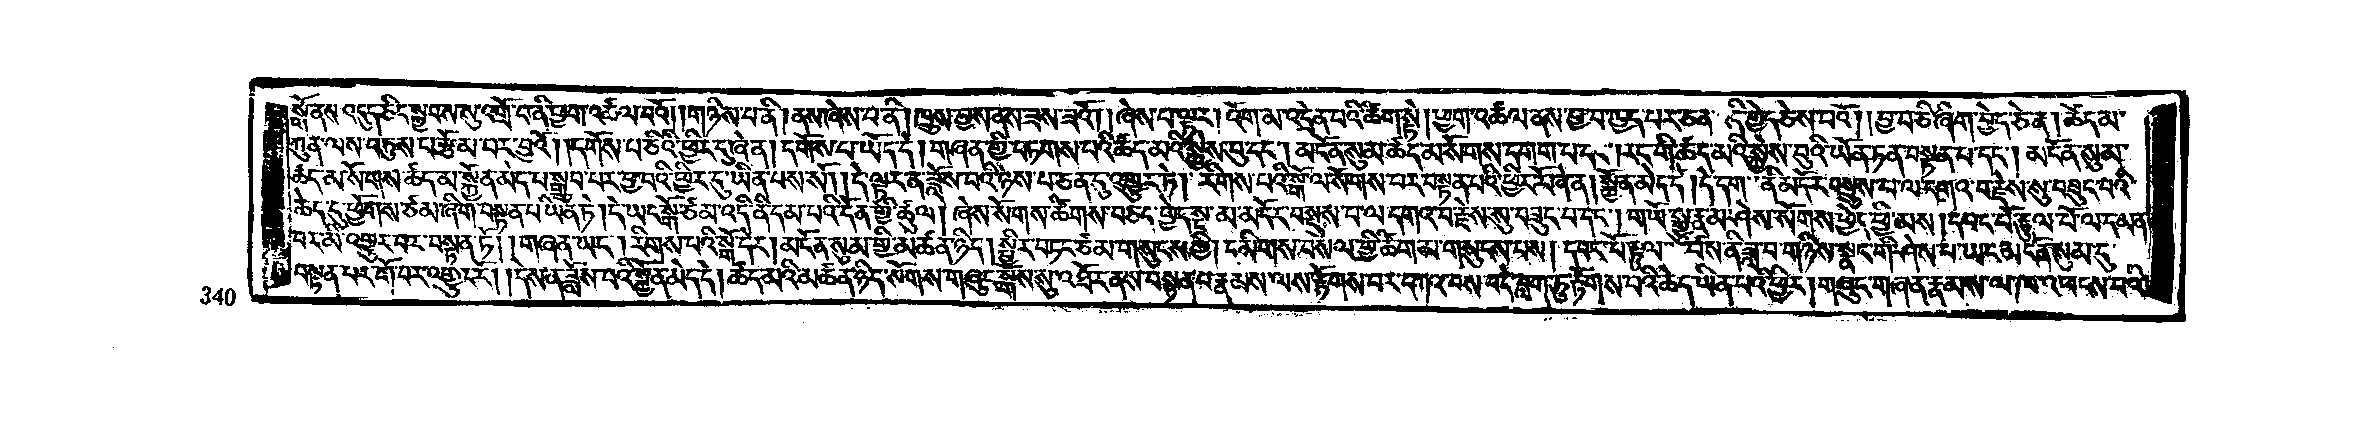སྒོ་ནས་འདུད་ཅིང་སྐྱབས་སུ་འགྲོ་བ་ནི་ཕྱག་འཚལ་བའོ། །གཉིས་པ་ནི། ནས་ཞེས་པ་ནི། ཁྲུས་བྱས་ནས་ཟས་ཟའོ། །ཞེས་པ་ལྟར། འོག་མ་འདྲེན་པའི་ཚིག་སྟེ། ཕྱག་འཚལ་ནས་བྱ་བ་ཁྱད་པར་ཅན་འདི་གྱེད་ཅེས་པའོ། །བྱ་བ་ཅི་ཞིག་བྱེད་ཅེ་ན། ཚེད་མ་
ཀུན་ལས་བཏུས་པར་ཙོམ་པར་བྱའོ། །དགོས་པ་ཅིའི་ཕྱིར་དུ་ཞེ་ན། དགོས་པ་ཡོད་དེ། གཞན་གྱི་བཏགས་པའི་ཚད་མའི་སྐྱེས་བུ་དང་། མངོན་སུམ་ཚད་མ་སོགས་དགག་པ་དང་། རང་གི་ཚད་མའི་སྐྱེས་བུའི་ཡོན་ཏན་བསྟན་པ་དང་། མངོན་སུམ་
ཚད་མ་སོགས་ཚད་མ་སྐྱོན་མེད་པ་སྒྲུབ་པར་བྱ་བའི་ཕྱིར་དུ་ཡིན་པས་སོ། །དེ་ལྟར་ན་ཟློས་པའི་ཉེས་པ་ཅན་དུ་འགྱུར་ཏེ། རིགས་པའི་སྒོ་ལ་སོགས་པར་བསྟན་པའི་ཕྱིར་རོ་ཞེ་ན། སྐྱོན་མེད་དེ། དེ་དག་ནི་མདོར་བསྲུས་པ་ལ་དགའ་བ་རྗེས་སུ་བཟུང་བའི་
ཆེད་དུ་ཕྱོགས་ཙམ་ཞིག་བསྟན་པ་ཡིན་ཏེ། དེ་ཡང་སྒོ་ཙམ་འདི་ནི་དམ་པའི་དོན་གྱི་ཚུལ། ཞེས་སོགས་ཚིགས་བཅད་ཕྱེད་སྔ་མ་མདོར་བསྡུས་པ་ལ་དགའ་བ་རྗེས་སུ་བཟུང་བ་དང་། གཡོ་སྒྱུ་རྣམ་ཤེས་སོགས་ཕྱེད་ཕྱི་མས། དབང་པོ་རྟུལ་པོ་ལ་དམན་
བར་མི་འགྱུར་བ་བསྟན་ཏོ། །གཞན་ཡང་། རིགས་པའི་སྒོ་དེར། མངོན་སུམ་གྱི་མཚན་ཉིད། སྤྱིར་བཏང་ཙམ་གསུངས་ཀྱི། དམིགས་བསལ་གྱི་ཚིག་མ་གསུངས་པས། དབང་པོ་རྟུལ་བས་ནི་ཟླ་བ་གཉིས་སྣང་གི་ཤེས་པ་ཡང་མངོན་སུ་དུ་
བསྟན་པར་གོ་བར་འགྱུར་རོ། །དེས་ན་ཟློས་པའི་སྐྱོན་མེད་དེ། ཚད་མའི་མཚན་ཉིད་སོགས་གཟུང་སོགས་སུ་འཐོར་ནས་བསྟན་པ་རྣམས་ལས་རྟོགས་པར་དགའ་བས་བདེ་བླག་ཏུ་རྟོགས་པའི་ཆེད་ཡིན་པའི་ཕྱིར་གཞུང་གཞན་རྣམས་ལ་ཁ་འཕངས་པའི་